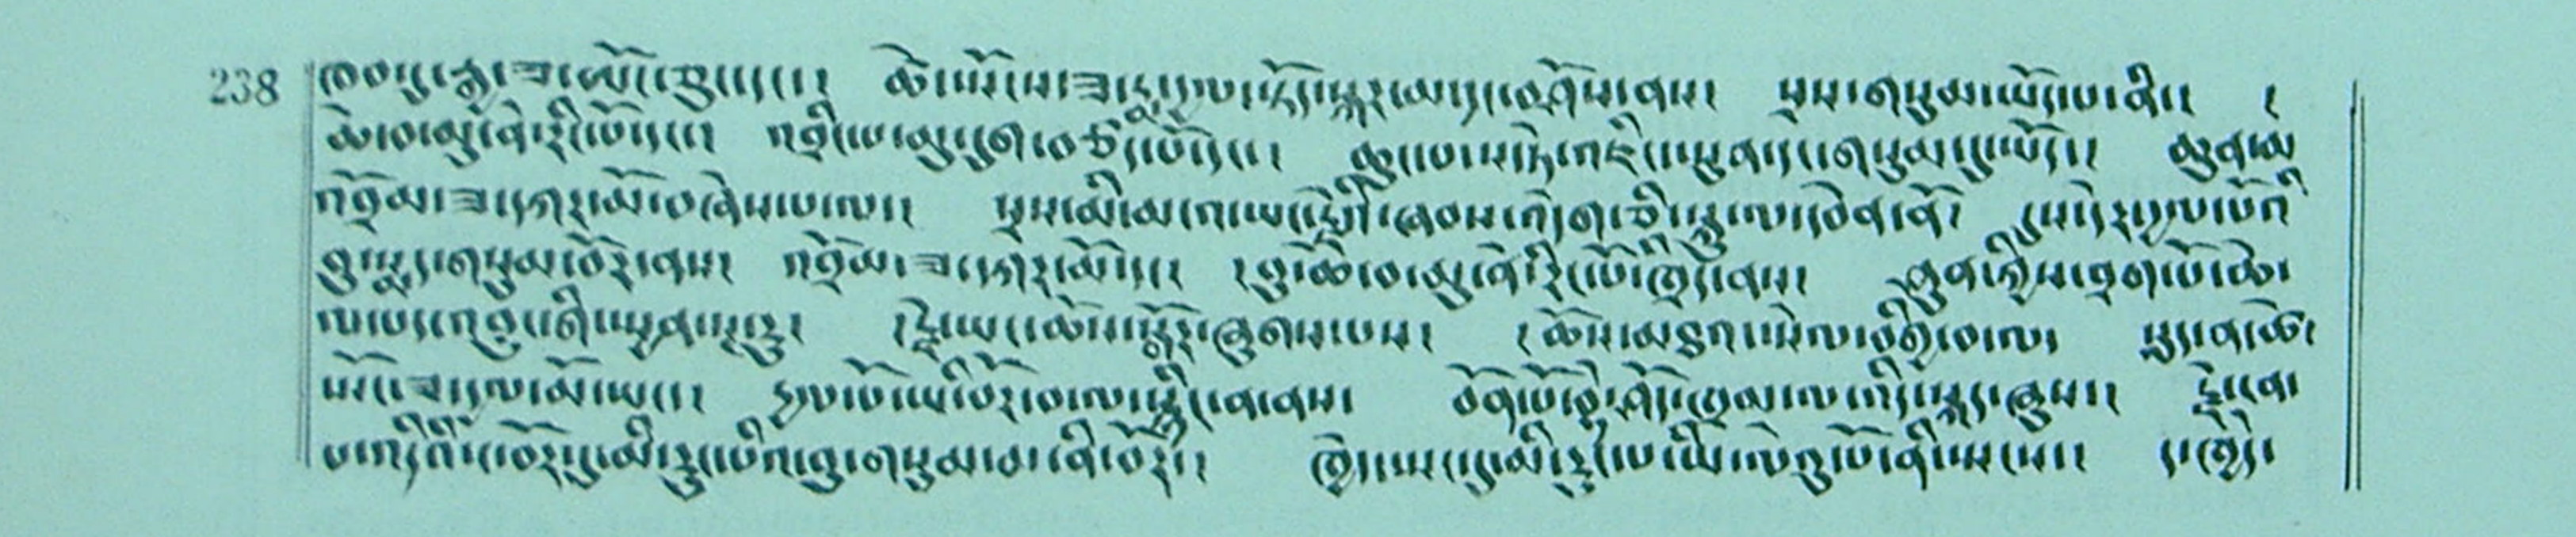ཁབ་ཏུ་རྒྱ་ཟ་ཨོང་ཅུང་དང་། ཚེ་སྤུངས་ཟ་རྨ་རྒྱལ་སྟོད་སྐར་མ་དང་བཤོས་ནས། སྲས་གསུམ་ཡོད་པ་ནི། 
ཆེ་བ་མུ་ནེ་རིང་པོ་དང་། འབྲིང་བ་མུ་དུག་བཙད་པོ་དང་། ཆུང་བ་ས་ཏེ་འཇིང་སྤུན་དང་གསུམ་དུ་ཡོད། ཆུན་མ་
འབྲོམ་ཟ་དཀར་མོ་བཞེས་པ་ལ། སྲས་མི་མངའ་ཡང་རྗེའི་ཞབས་འདེག་ཅིང་སྐུ་ལ་དབེན་ནོ། །དུས་དེར་རྒྱས་བོའི་
བུ་སྨད་གསུམ་བོར་ནས། འབྲོམ་ཟ་དཀར་མོ་དང་། བུ་ཆེ་བ་མུ་ནེ་རིང་པོ་ཁྲིད་ནས། ཤུན་གྱི་བྲག་པོ་ཆེ་
ལ་པད་འབྱུང་གི་སྤྱན་སྔ་རུ། རྗེ་ཡང་ཆོས་སྒོར་ཞུགས་པས། ཆོས་མཐའ་སྤེལ་བགྱི་བ་ལ། སླད་ན་ཚེ་
སྤུངས་ཟ་རྒྱལ་མོ་ཡང་། རྒྱལ་པོ་ཡིས་བོར་བ་ལ་སྙིང་ན་ནས། བོན་པོ་བྷེ་ཤོད་ཁྲམ་ལ་འདི་སྐད་ཞུས། རྗེ་ངན་
པ་འདི་ཡིས་ང་བོར་དུ་མི་རུང་བའི་བུ་གསུམ་མ་ནི་བོར། ཁྱིམ་སྤང་དུ་མི་རུང་བའི་ལེའུ་པོ་ནི་སྤངས། ད་ཁྱེད་